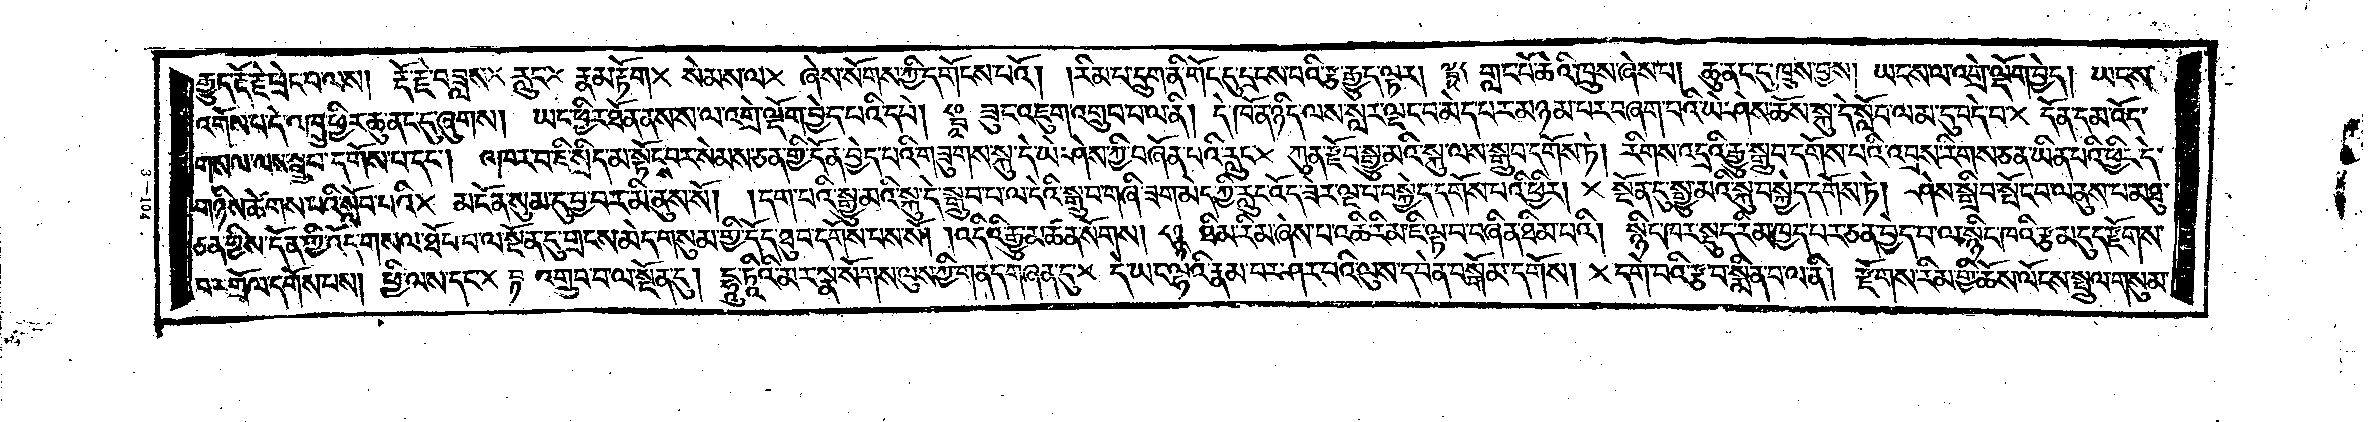རྒྱུད་རྡོ་རྗེ་ཕྲེང་བ་ལས། རྡོ་རྗེ་བཟླས྾་རླུང་྾་རྣམ་རྟོག྾་སེམས་ལ྾་ཞེས་སོགས་ཀྱི་དགོངས་པའོ། །རིམ་པ་དྲུག་ནི་གོང་དུ་དྲངས་པའི་རྩ་རྒྱུད་ལྟར། ༧༨་གླང་པོ་ཆེའུ་ཁྲུས་ཞེས་པ། ཆུ་ནང་དུ་ཁྲུས་བྱམས། ཡང་ས་ལ་འགྲོ་ལྡོག་ཁྱེད། ཡང་ས་
འགོས་པ་དེ་འཁྲུ་ཕྱིར་ཆུ་ནང་དུ་ཞུགས། ཡང་ཕྱིར་ཐོན་ནས་ས་ལ་འགྲེ་ལྡོག་བྱེད་པའི་དཔེ། ༨༠་ཟུང་འཇུག་འགྲུབ་པ་ལ་ནི། དེ་ཁོ་ན་ཉིད་ལས་སླར་ལྡང་བ་མེད་པར་མཉམ་པར་བཞག་པའི་ཡེ་ཤེས་ཆོས་སྐུ་དེ་སློབ་ལམ་དུ་བདེ་བ྾་དོན་དམ་འོད་
གསལ་ལས་སྒྲུབ་དགོས་པ་དང་། འཁར་བ་ཇི་སྲིད་མ་སྟོང་པར་སེམས་ཅན་གྱི་དོན་བྱེད་པའི་གཟུགས་སྐུ་དེ་ཡེ་ཤེས་ཀྱི་བཞོན་པའི་རླུང྾་ཀུན་རྫོབ་སྒྱུ་མའི་སྐུ་ལས་སྒྲུབ་དགོས་ཏེ། རིགས་འདྲའི་རྒྱུ་སྒྲུབ་དགོས་པའི་འབྲས་རིགས་ཅན་ཡིན་པའི་ཕྱིར་དེ་
གཉིས་ཚེགས་པའི་སློབ་པའི྾་མངོན་སུམ་དུ་བྱ་བར་མི་ནུས་སོ། །དག་པའི་སྒྱུ་མའི་སྐུ་དེ་སྒྲུབ་པ་ལ་དེའི་སྒྲུབ་གཞི་ཟག་མེད་ཀྱི་རླུང་འོད་ཟེར་ལྔ་པྦ་བསྐྱེད་དགོས་པའི་ཕྱིར། ྾་སྔོན་དུ་སྒྱུ་མའི་སྐུ་བསྐྱེད་དགོས་ཏེ། ཤེས་སྒྲུབ་སྤོང་བ་ལ་ནུས་པ་མཐུ་
ཅན་གྱིས་དོན་གྱི་འོད་གསལ་ཐོབ་པ་ལ་སྔོན་དུ་རྒངས་མེད་གསུམ་གྱི་དོད་ཐུབ་དགོས་པས་སོ། །འདིའི་རྒྱུ་མཚན་སོགས། ༨༡་ཐིམ་རིམ་ཞེས་པ་འཆི་རིམ་ཇི་ལྟ་བ་བཞིན་ཐིམ་པའི། སྙིང་ཁར་སྡུད་རིམ་ཁྱད་པར་ཅན་བྱེད་པ་ལ་སྙིང་ཁའི་རྩ་མདུད་རྫོགས་
པར་གྲོལ་དགོས་པས། ཕྱི་ལས་དང྾་འགྲུབ་པ་ལ་སྔོན་དུ། དྷཱུ་ཏཱིའི་མར་སྣ་སོགས་ལུས་ཀྱི་གནད་གཞན་དུ྾་དེ་ཡང་ལྷའི་རྣམ་པར་ཤར་བའི་ལུས་དབེན་བསྒོམ་དགོས། ྾་དགེ་བའི་རྩ་བ་སྨིན་པ་ལ་ནི། རྫོགས་རིམ་གྱི་ཆོས་ལོངས་སྤྲུལ་གསུམ་